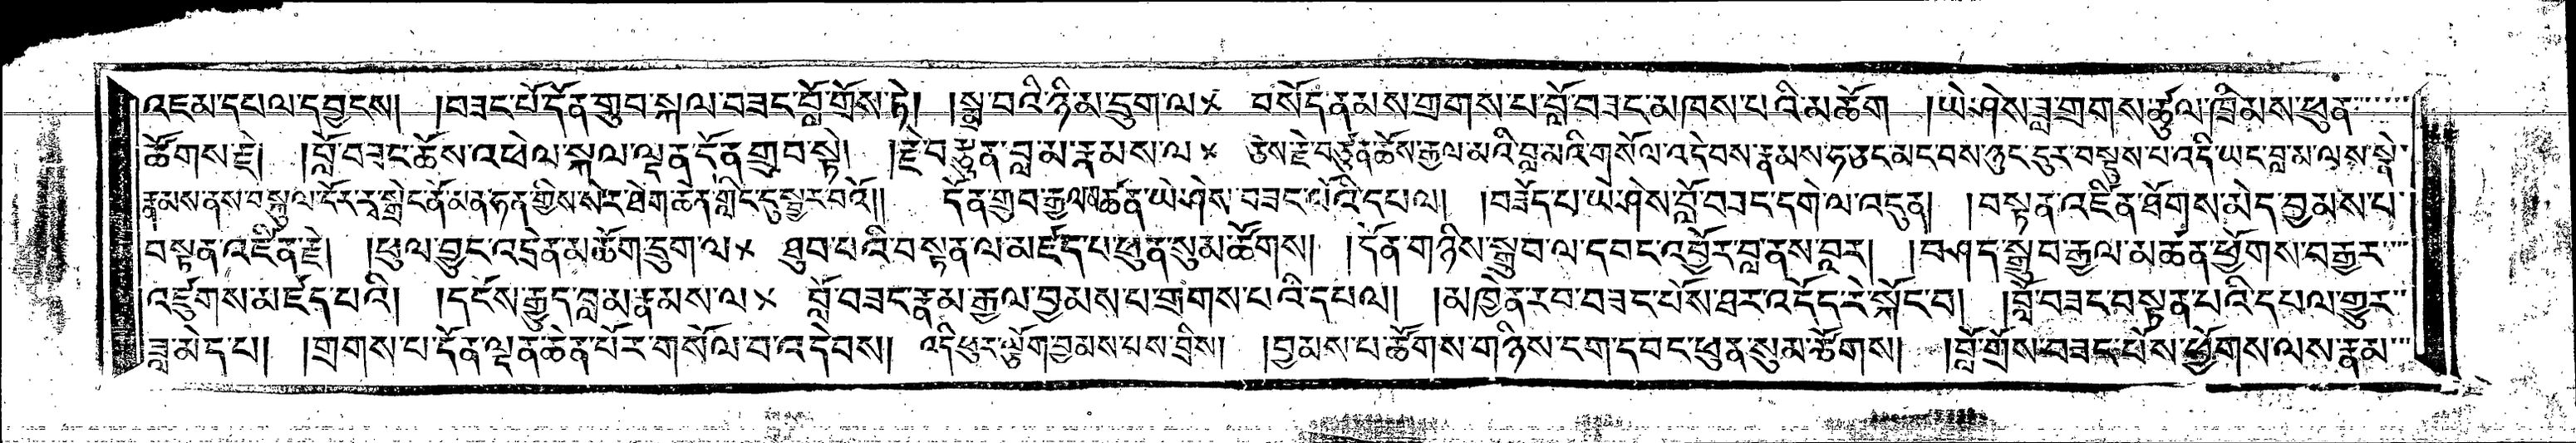འཇམ་དཔལ་དབྱངས། །བཟང་པོ་དོན་གྲུབ་སྐལ་བཟང་བློ་གྲོས་ཏེ། །སྨྲ་བའི་ཉི་མ་དྲུག་ལ་{྾}་བསོད་ནམས་གྲགས་པ་བློ་བཟང་མཁས་པའི་མཆོག །ཡེ་ཤེས་ཟླ་གྲགས་ཚུལ་ཁྲིམས་ཕུན་
ཚོགས་རྗེ། །བློ་བཟང་ཆོས་འཕེལ་སྐལ་ལྡན་དོན་གྲུབ་སྟེ། །རྗེ་བརྩུན་བླ་མ་རྣམས་ལ་{྾}་ཅེས་རྗེ་བཙུན་ཆོས་རྒྱལ་མའི་བླ་མའི་གསོལ་འདེབས་རྣམས་ཧ་ཅང་མང་བས་ཉུང་ངུར་བསྡུས་པ་འདི་ཡང་བླ་མ་ལས་སྣེ་
རྣམས་ནས་བསྐུལ་ངོར་རྭ་སྒྲེང་ནོ་མན་ཧན་གྱིས་སེར་ཐེག་ཆེན་གླིང་དུ་སྦྱར་བའོ།། དོན་གྲུབ་རྒྱལ་མཚན་ཡེ་ཤེས་བཟང་པོའི་དཔལ། །བཟོད་པ་ཡེ་ཤེས་བློ་བཟང་དགེ་ལ་འདུན། །བསྟན་འཛིན་ཐོགས་མེད་བྱམས་པ་
བསྟན་འཛིན་རྗེ། །ཕུལ་བྱུང་འདྲེན་མཆོག་དྲུག་ལ་{྾}་ཐུབ་པའི་བསྟན་ལ་མཛད་པ་ཕུན་སུམ་ཚོགས། །དོན་གཉིས་སྒྲུབ་ལ་དབང་འབྱོར་བླ་ནས་བླར། །བཤད་སྒྲུབ་རྒྱལ་མཚན་ཕྱོགས་བརྒྱར་
འཛུགས་མཛད་པའི། །དངོས་རྒྱུད་བླ་མ་རྣམས་ལ་{྾}་བློ་བཟང་རྣམ་རྒྱལ་བྱམས་པ་གྲགས་པའི་དཔལ། །མཁྱེན་རབ་བཟང་པོས་ཐར་འདོད་རེ་སྐོང་བ། །བློ་བཟང་བསྟན་པའི་དཔལ་གྱུར་
ཟླ་མེད་པ། །གྲགས་པ་དོན་ལྡན་ཆེན་པོར་གསོལ་བ་འདེབས། འདི་ཕུར་ལྕོག་བྱམས་པས་བྲིས། །བྱམས་པ་ཚོགས་གཉིས་ངག་དབང་ཕུན་སུམ་ཚོགས། །བློ་གྲོས་བཟང་པོས་ཕྱོགས་ལས་རྣམ་